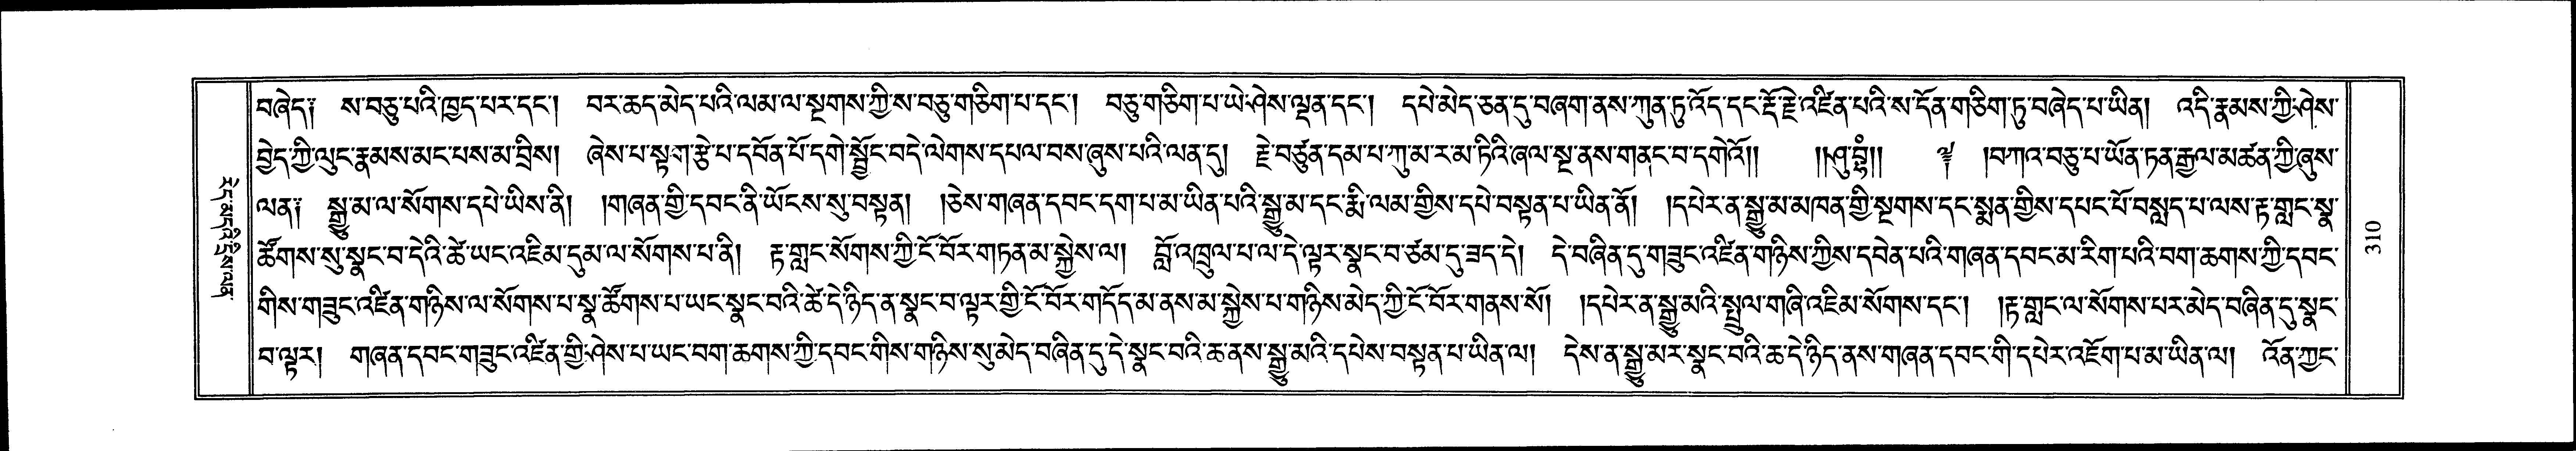བཞེད། ས་བཅུ་པའི་ཁྱད་པར་དང་། བར་ཆད་མེད་པའི་ལམ་ལ་སྔགས་ཀྱི་ས་བཅུ་གཅིག་པ་དང་། བཅུ་གཅིག་པ་ཡེ་ཤེས་ལྡན་དང་། དཔེ་མེད་ཅན་དུ་བཞག་ནས་ཀུན་ཏུ་འོད་དང་རྡོ་རྗེ་འཛིན་པའི་ས་དོན་གཅིག་ཏུ་བཞེད་པ་ཡིན། འདི་རྣམས་ཀྱི་ཤེས་
བྱེད་ཀྱི་ལུང་རྣམས་མང་པས་མ་བྲིས། ཞེས་པ་སྟག་རྩེ་པ་དབོན་པོ་དགེ་སྦྱོང་བ་དེ་ལེགས་དཔལ་བས་ཞུས་པའི་ལན་དུ། རྗེ་བཙུན་དམ་པ་ཀུ་མ་ར་མ་ཏིའི་ཞལ་སྔ་ནས་གནང་བ་དགེའོ།། །།ཤུ་བྷཾ། ༈ །བཀའ་བཅུ་པ་ཡོན་ཏན་རྒྱལ་མཚན་ཀྱི་ཞུས་
ལན། སྒྱུ་མ་ལ་སོགས་དཔེ་ཡིས་ནི། གཞན་གྱི་དབང་ནི་ཡོངས་སུ་བསྟན། །ཅེས་གཞན་དབང་དག་པ་མ་ཡིན་པའི་སྒྱུ་མ་དང་། རྨི་ལམ་གྱིས་དཔེ་བསྟན་པ་ཡིན་ནོ། །དཔེར་ན་སྒྱུ་མ་མཁན་གྱི་སྔགས་དང་སྨན་གྱིས་དཔང་པོ་བསླད་པ་ལས་རྟ་གླང་སྣ་
ཚོགས་སུ་སྣང་བ་དེའི་ཚེ་ཡང་འཇིམ་དུམ་ལ་སོགས་པ་ནི། རྟ་གླང་སོགས་ཀྱི་ངོ་བོར་གཏན་མ་སྐྱེས་ལ། བློ་འཁྲུལ་པ་ལ་དེ་ལྟར་སྣང་བ་ཙམ་དུ་ཟད་དེ། དེ་བཞིན་དུ་གཟུང་འཛིན་གཉིས་ཀྱིས་དབེན་པའི་གཞན་དབང་མ་རིག་པའི་བག་ཆགས་ཀྱི་དབང་
གིས་གཟུང་འཛིན་གཉིས་ལ་སོགས་པ་སྣ་ཚོགས་པ་ཡང་སྣང་བའི་ཚེ་དེ་ཉིད་ན་སྣང་བ་ལྟར་གྱི་ངོ་བོར་གདོད་མ་ནས་མ་སྐྱེས་པ་གཉིས་མེད་ཀྱི་ངོ་བོར་གནས་སོ། །དཔེར་ན་སྒྱུ་མའི་སྤྲུལ་གཞི་འཇིམ་སོགས་དང་།རྟག་གླང་ལ་སོགས་པར་མེད་བཞིན་དུ་སྣང་
བ་ལྟར། གཞན་དབང་གཟུང་འཛིན་གྱི་ཤེས་པ་ཡང་བག་ཆགས་ཀྱི་དབང་གིས་གཉིས་སུ་མེད་བཞིན་དུ་དེ་སྣང་བའི་ཆ་ནས་སྒྱུ་མའི་དཔེས་བསྟན་པ་ཡིན་ལ། དེས་ན་སྒྱུ་མར་སྣང་བའི་ཆ་དེ་ཉིད་ནས་གཞན་དབང་གི་དཔེར་འཇོག་པ་མ་ཡིན་ལ། འོན་ཀྱང་